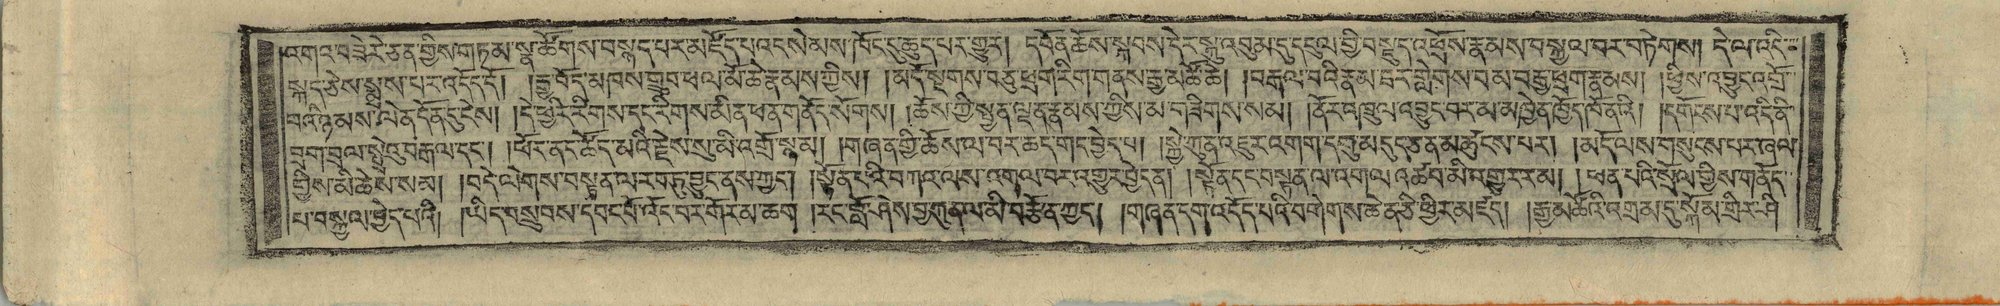འགའ་བཟེ་རེ་ཅན་གྱིས་གཏམ་སྣ་ཚོགས་བསྙད་པར་མཛོད་པའང་སེམས་ཁོང་དུ་ཆུད་པར་གྱུར། དཔོན་ཆོས་སྐབས་དེར་སྐུ་འབུམ་དུ་དངུལ་གྱི་བསྡུད་འཕྲོས་རྣམས་བསྐྱལ་བར་བཏེགས། དེ་ལ་འདི་
སྐད་ཅེས་སྨྲས་པར་འདོད་དོ། །རྒྱ་བོད་མཁས་གྲུབ་ཕལ་མོ་ཆེ་རྣམས་ཀྱིས། །མདོ་སྔགས་བཅུ་ཕྲག་རིག་གནས་རྒྱ་མཚོ་ཆེ། །བརྒལ་བའི་རྣམ་ཐར་གླེགས་བམ་བརྒྱ་ཕྲག་རྣམས། །ཕྱིས་འབྱུང་འགྲོ་
བའི་ཉམས་ལེན་དོན་དུ་ངེས། །དེ་ཕྱིར་རིགས་དང་རིགས་མིན་ཕན་གནོད་སོགས། །ཆོས་ཀྱི་སྤྱན་ལྡན་རྣམས་ཀྱིས་མ་གཟིགས་སམ། །ནོར་འཁྲུལ་འབྱུང་བར་མ་མཁྱེན་ཁྱོད་ཁོ་ནའི། །དགོངས་པ་འདི་ནི་
བྲག་བྲལ་སྤྲེའུ་བརྒལ་དང་། །ཕོར་ནང་ཚོད་མའི་རྗེས་སུ་མི་འགྲོ་སྙམ། །གཞན་གྱི་ཆོས་ལ་བར་ཆད་གང་བྱེད་པ། །སྐྱེ་ཀུན་འཇུར་འགག་དགུ་མདུད་ཅན་མཚུངས་པར། །མདོ་ལས་གསུངས་པར་ཞལ་
གྱིས་མི་ཆེས་སམ། །བདེ་ལེགས་བསྟན་ལ་རབ་?་ཏུ་བྱུང་ནས་ཀྱང་། །སྟོན་པའི་བཀའ་ལས་འགལ་བར་འགྱུར་བྱེད་ན། །སྟོན་དང་བསྟན་ལ་འགལ་འཚབ་མི་འགྱུར་རམ། །ཕན་པའི་སྲོལ་གྱིས་གནོད་
པ་བསྐྱལ་བྱེད་པའི། །ཡིད་བསྲུབས་དབང་པོ་འོང་བར་གོར་མ་ཆག །རང་བློ་ཤེས་བྱ་ཀུན་ལ་མི་བརྩོན་ཀྱང་། །གཞན་དག་འདོད་པའི་བགེགས་ཆེན་ཅི་ཕྱིར་མཛད། །རྒྱ་མཚོའི་འགྲམ་དུ་སྐོམ་གྲིར་ཤི་